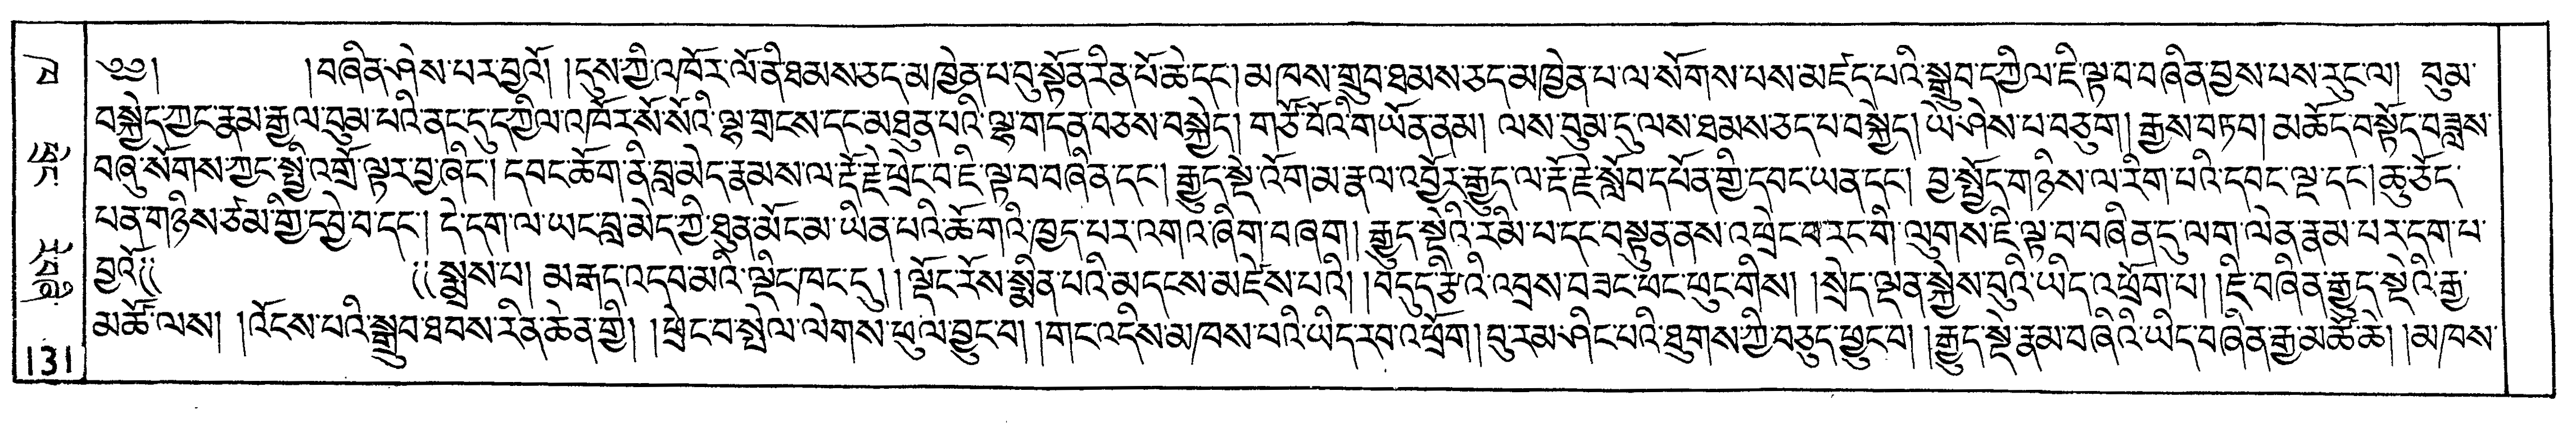༄༅། །བཞིན་ཤེས་པར་བྱའོ། །དུས་ཀྱི་འཁོར་ལོ་ནི་ཐམས་ཅད་མཁྱེན་པ་བུ་སྟོན་རིན་པོ་ཆེ་དང་། མཁས་གྲུབ་ཐམས་ཅད་མཁྱེན་པ་ལ་སོགས་པས་མཛད་པའི་སྒྲུབ་དཀྱིལ་ཇི་ལྟ་བ་བཞིན་བྱས་པས་རུང་ལ། བུམ་
བསྐྱེད་ཀྱང་རྣམ་རྒྱལ་བུམ་པའི་ནང་དུ་དཀྱིལ་འཁོར་སོ་སོའི་ལྷ་གྲངས་དང་མཐུན་པའི་ལྷ་གདན་བཅས་བསྐྱེད། གཙོ་བོའི་གཡོན་ནམ། ལས་བུམ་དུ་ལས་ཐམས་ཅད་པ་བསྐྱེད། ཡེ་ཤེས་པ་བཅུག །རྒྱས་བཏབ། མཆོད་བསྟོད་བཟླས་
བཞུ་སོགས་ཀྱང་སྤྱི་འགྲོ་ལྟར་བྱ་ཞིང་། དབང་ཆོག་ནི་བླ་མེད་རྣམས་ལ་རྡོ་རྗེ་ཕྲེང་བ་ཇི་ལྟ་བ་བཞིན་དང་། རྒྱུད་སྡེ་འོག་མ་རྣལ་འབྱོར་རྒྱུད་ལ་རྡོ་རྗེ་སློབ་དཔོན་གྱི་དབང་ཡན་དང་། བྱ་སྤྱོད་གཉིས་ལ་རིག་པའི་དབང་ལྔ་དང་། ཆུ་ཅོད་
པན་གཉིས་ཙམ་གྱི་དབྱེ་བ་དང་། དེ་དག་ལ་ཡང་བླ་མེད་ཀྱི་ཐུན་མོང་མ་ཡིན་པའི་ཆོ་གའི་ཁྱད་པར་འགའ་ཞིག་བཞག །རྒྱུད་སྡེའི་རིམ་པ་དང་བསྟུན་ནས་འཕྲེང་བ་རང་གི་ལུགས་ཇི་ལྟ་བ་བཞིན་དུ་ལག་ལེན་རྣམ་པར་དག་པ་
བྱའོ༑༑ ༑༑སྨྲས་པ། མྲྒད་འདབ་མའི་ལྡིང་ཁང་དུ། །ལྡོང་རོས་སྨིན་པའི་མདངས་མཛེས་པའི། །བདུད་རྩིའི་འབྲས་བཟང་ཕང་ཕུང་གིས། །སྲེད་ལྡན་སྐྱེས་བུའི་ཡིད་འཕྲོག་པ། །ཇི་བཞིན་རྒྱུད་སྡེའི་རྒྱ་
མཚོ་ལས། །འོངས་པའི་སྒྲུབ་ཐབས་རིན་ཆེན་གྱི། །ཕྲེང་བ་སྤེལ་ལེགས་ཕུལ་བྱུང་བ། །གང་འདིས་མཁས་པའི་ཡིད་རབ་འཕྲོག །བུ་རམ་ཤིང་པའི་ཐུགས་ཀྱི་བཅུད་ཕྱུང་བ། །རྒྱུད་སྡེ་རྣམ་བཞིའི་ཡིད་བཞིན་རྒྱ་མཚོ་ཆེ། །མཁས་